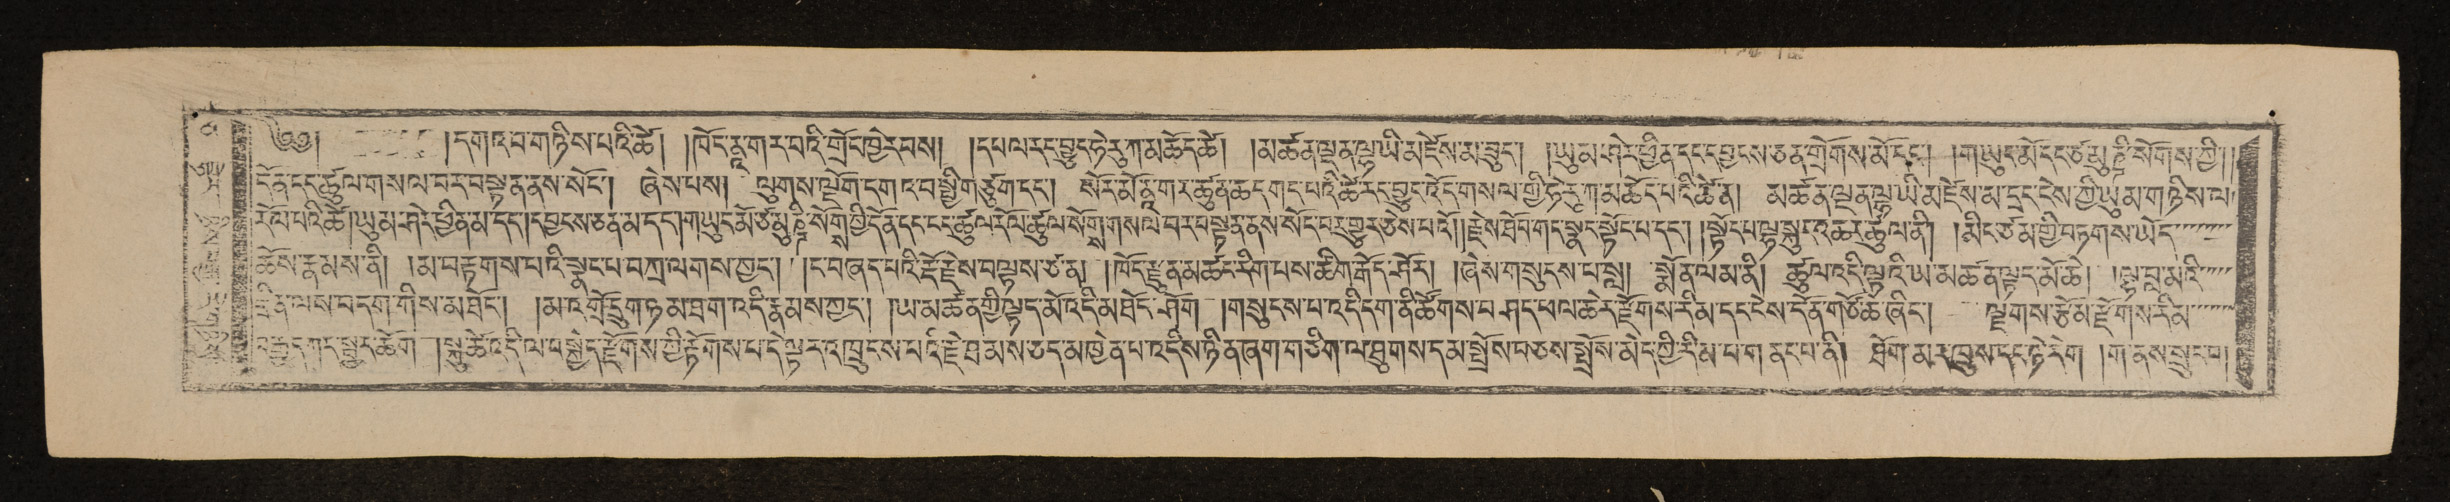༄༅། །དགའ་བ་གཉིས་པའི་ཚེ། །ཁོང་ནཱ་ག་ར་བའི་གྲོང་ཁྱེར་བས། །དཔལ་རང་བྱུང་ཧེ་རུ་ཀ་མཆོད་ཚེ། །མཚན་ལྡན་ལྷ་ཡི་མཛེས་མ་ཟུང་། །ཡུམ་ཤེར་ཕྱིན་དང་དབྱངས་ཅན་གྲོགས་མོ་དང་། །གཡུང་མོ་དང་ཙ་མུཎྜི་སོགས་ཀྱི།།
དོན་དང་ཚུལ་གསལ་བར་བསྟན་ནས་སོང་། ཞེས་པས། ལུགས་ལྡོག་དགའ་བ་སྤྱི་གཙུག་དང་། སོར་མོ་ནཱ་ག་ར་ཚུན་ཆད་གང་བའི་ཚེ་རང་བྱུང་འོད་གསལ་གྱི་ཧེ་རུ་ཀ་མཆོད་པའི་ཚེ་ན། མཚན་ལྡན་ལྷ་ཡི་མཛེས་མ་དྲང་ངེས་ཀྱི་ཡུམ་གཉིས་ལ་
རོལ་བའི་ཚེ། ཡུམ་ཤེར་ཕྱིན་མ་དང་། དབྱངས་ཅན་མ་དང་། གཡུང་མོ་ཙ་མུཎྜི་སོགས་ཀྱི་དོན་དང་ངང་ཚུལ་རོལ་ཚུལ་སོགས་གསལ་བར་བསྟན་ནས་སོང་བར་གྱུར་ཅེས་པའོ། །རྗེས་ཐོབ་གང་སྣང་སྟོང་པ་དང་། །སྟོང་པ་ལྷ་སྐུར་འཆར་ཚུལ་ནི། །མིང་ཙམ་གྱི་བཏགས་ཡོད་
ཆོས་རྣམས་ནི། །མ་བརྟགས་པའི་སྣང་བ་བཀྲ་ལགས་ཀྱང་། །ང་བཞད་པའི་རྡོ་རྗེས་བལྟས་ཙ་ན། །ཁོང་རྫུན་མཚང་རིག་པས་ཆིག་རྒོད་ཤོར། །ཞེས་གསུངས་པ་སླ། སྨོན་ལམ་ནི། ཚུལ་འདི་ལྟའི་ཡ་མཚན་ལྟད་མོ་ཆེ། །ལྷ་བླ་མའི་
དྲིན་ལས་བདག་གིས་མཐོང་། །མ་འགྲོ་དྲུག་ཉམ་ཐག་འདི་རྣམས་ཀྱང་། །ཡ་མཚན་གྱི་ལྟད་མོ་འདི་མཐོང་ཤོག །གསུངས་པ་འདི་དག་ནི་ཚོགས་བཤད་ཕལ་ཆེར་རྫོགས་རིམ་དང་ངེས་དོན་གཙོ་ཆེ་ཞིང་། ལྗགས་རྩོམ་རྫོགས་རིམ་
བརྒྱ་དཀར་སྦྱར་ཆོག །སྐུ་ཚེ་འདི་ལ་བསྐྱེད་རྫོགས་ཀྱི་རྟོགས་པ་དེ་ལྟར་འཁྲུངས་པའི་རྗེ་ཐམས་ཅད་མཁྱེན་པ་འདིས་ཉིན་ཞག་གཅིག་ལ་ཐུགས་ངམ་སྤྲོས་བཅས་སྤྲོས་མེད་ཀྱི་རིམ་པ་གནང་བ་ནི། ཐོག་མར་ཁྲུས་དང་ཉེ་རེག །གནས་སྲུང་བ།